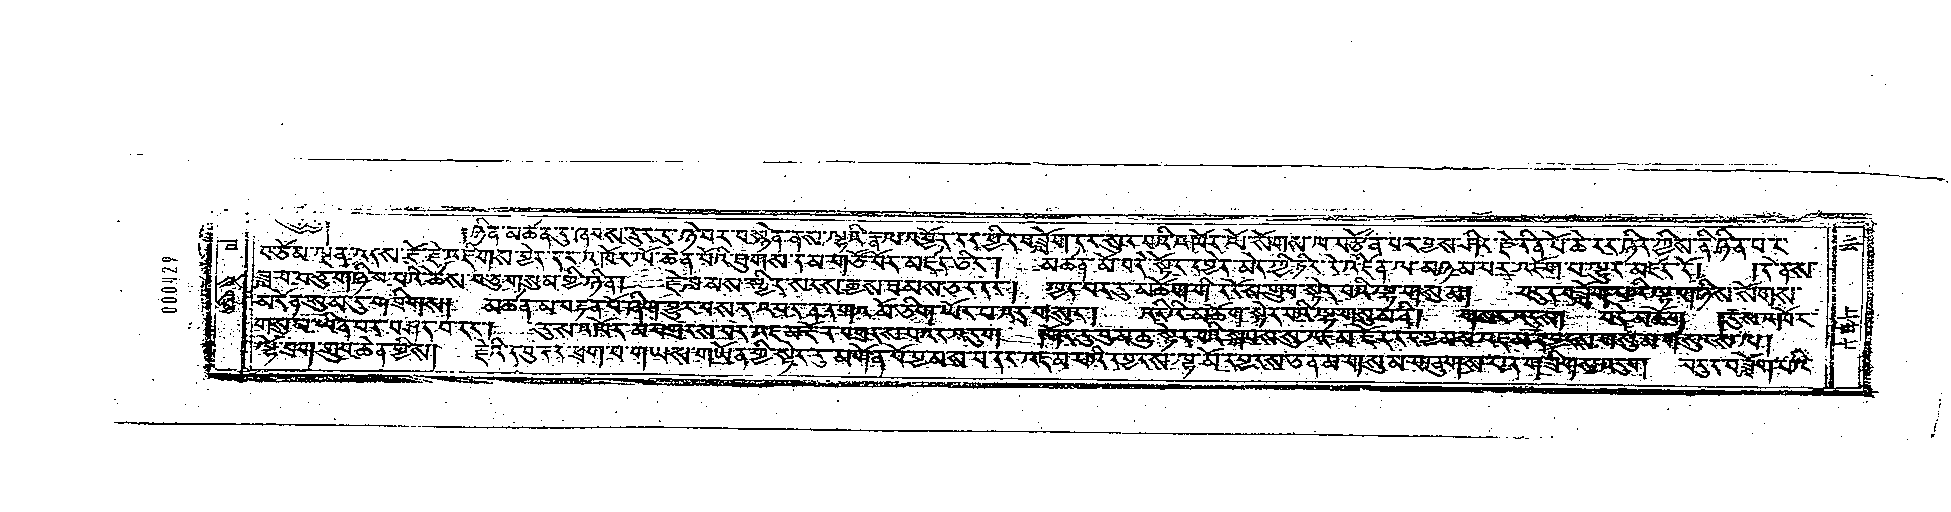༄༅། །ཉིན་མཚན་དུ་ཞབས་དྲུང་དུ་ཉེ་བར་བསྙེན་ནས་ལྷའི་རྣལ་འབྱོར་དང་ཕྱིར་བཟློག་དང་སྲུང་བའི་འཁོར་ལོ་སོགས་ལ་བརྩོན་པར་བྱས་ཤིང་རྗེ་རིན་པོ་ཆེ་རང་ཉིད་ཀྱིས་ནི་ཉིན་བར་
བཅོམ་ལྡན་འདས་རྡོ་རྗེ་འཇིགས་བྱེད་དང་འཁོར་ལོ་ཆེན་པོའི་ཐུགས་དམ་གཙོ་བོར་མཛད་ཅིང་། མཚན་མོ་བདེ་སྟོང་དབྱེར་མེད་ཀྱི་ཏིང་ངེ་འཛིན་ལ་མཉམ་པར་འཇོག་པ་ལྷུར་མཛད་དོ། །དེ་ནས་
ཟླ་བ་བཅུ་གཉིས་པའི་ཚེས་བཅུ་གསུམ་གྱི་ཉིན། རྗེ་བླ་མས་སྤྱིར་སངས་རྒྱས་ཐམས་ཅད་དང་། ཁྱད་པར་དུ་མཆོག་གི་དངོས་གྲུབ་སྟེར་བའི་ལྷ་གསུམ། བདུད་བཟློག་པའི་ལྷ་གཉིས་སོགས་
མངོན་སུམ་དུ་གཟིགས། མཚན་མ་བརྟན་པོ་ཞིག་བྱུང་བས་ད་འབད་ན་དགའ་མོ་ཅིག་ཡོད་བ་འདྲ་གསུང་། འདིའི་མཆོག་སྟེར་བའི་ལྷ་གསུམ་ནི། གསང་འདུས། བདེ་མཆོག །དུས་འཁོར་
གསུམ་ཡིན་པར་བཤད་བ་དང་། དུས་འཁོར་མ་བགྲངས་པར་འཇམ་རྡོར་བགྲངས་པའང་འདུག །གོང་དུ་བུམ་ཆུ་སྟེར་བའི་སྐབས་སུ་འཇམ་ཇོར་དང་བྱམས་འཇམ་དབྱངས་གསུམ་གསུངས་ལ།
ལྷོ་བྲག་གྲུབ་ཆེན་གྱིས། རྗེའི་དབུ་དང་ཕྲག་པ་གཡས་གཡོན་གྱི་སྟེང་དུ་མགོན་པོ་བྱམས་པ་དང་འཇམ་པའི་དབྱངས་ལྷ་མོ་དབྱངས་ཅན་མ་གསུམ་བཞུགས་པར་གཟིགས་འདུག །བདུད་བཟློག་པའི་